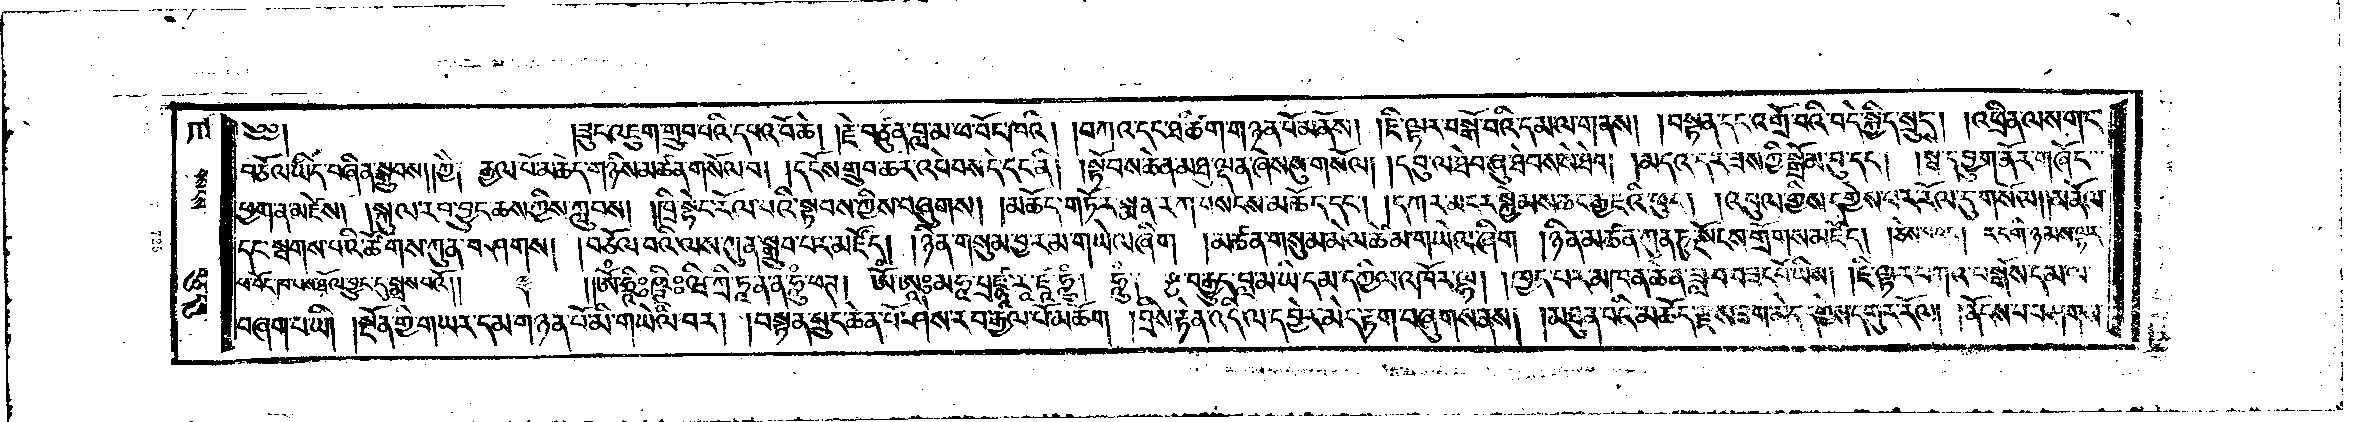༄༅། །ཟུང་འཇུག་གྲུབ་པའི་དཔའ་བོ་ཆེ། །རྗེ་བཙུན་བླ་མ་ཕ་བོང་ཁའི། །བཀའ་དང་ཐ་ཚིག་གཉན་པོ་མནོས། །ཇི་ལྟར་བསྒོ་བའི་དམ་ལ་གནས། །བསྟན་དང་འགྲོ་བའི་བདེ་སྐྱིད་སྲུང་། །འཕྲིན་ལས་གང་
བཅོལ་ཡིད་བཞིན་སྒྲུབས། །ཀྱཻ༑ རྒྱལ་པོ་མཆེད་གཉིས་མཚན་གསོལ་བ། །དངོས་གྲུབ་ཆར་འབེབས་དེ་དང་ནི། །སྟོབས་ཆེན་མཐུ་ལྡན་ཞེས་སུ་གསོལ། །དབུ་ལ་ཐེབ་ཞུ་ཐེབས་སེ་ཐེབ། །མདའ་དར་ཟས་ཀྱི་སྒྲོམ་བུ་དང་། །སྦ་དབྱུག་ནོར་གཞོང་
ཕྱག་ན་མཛེས། །སྐུ་ལ་རབ་བྱུང་ཆས་ཀྱིས་ཀླུབས། །ཁྲི་སྟེང་རོལ་པའི་སྟབས་ཀྱིས་བཞུགས། །མཆོད་གཏོར་སྨན་ར་ཀ་བསངས་མཆོད་དང་། །དཀར་མངར་སྐྱེས་ས་ཆང་རྒྱ་ཇའི་ཕུད། །འབུལ་གྱིས་དགྱེས་པར་རོལ་དུ་གསོལ། །མནོལ་
དང་སྦགས་པའི་ཚོགས་ཀུན་བཤགས། །བཙེལ་བའི་ལས་ཀུན་སྒྲུབ་པར་མཛོད། །ཉིན་གསུམ་བྱ་རམ་གཡེལ་ཞིག །མཚན་གསུམ་མེལ་ཚེམ་གཡེལ་ཞིག །ཉིན་མཚན་ཀུན་ཏུ་གདོང་གྲོགས་མཛོད། །ཅེས་པའང་། རང་གི་ཉམས་ལྟར་
ཕ་བོང་ཁ་བས་ཐོལ་བྱུང་དུ་སྨྲས་པའོ།། ༈ །།ཨོཾ་ཧྲཱིཿཥྚཱིཿ ཝི་ཀྲི་ཏཱ་ནན་ཧཱུཾ་ཕཌ། ཨོཾ་ཨཱཿམཧཱ་པྲཛྙཱ་རཱ་ཛཱ་ཧཱུཾ། ཧཱུཾ༑ རྩ་བརྒྱུད་བླ་མ་ཡི་དམ་དཀྱིལ་འཁོར་ལྷ། །ཁྱད་པར་མཁན་ཆེན་ཟླ་བ་བཟང་པོ་ཡིས། །ཇི་ལྟར་བཀའ་བསྒོས་དམལ་
བཞག་པ་ཡི། །སྔོན་གྱི་གཡར་དམ་གཉན་པོ་མི་གཡེལ་བར། །བསྟན་སྲུང་ཆེན་པོ་ཤེས་རབ་རྒྱལ་པོ་མཆོག །བྲིས་རྟེན་འདི་ལ་དབྱེར་མེད་རྟག་བཞུགས་ནས། །མཐུན་པའི་མཆོད་རྫས་ཟག་མེད་དགྱེས་དགུར་རོལ། །ནོངས་པ་བཤགས་